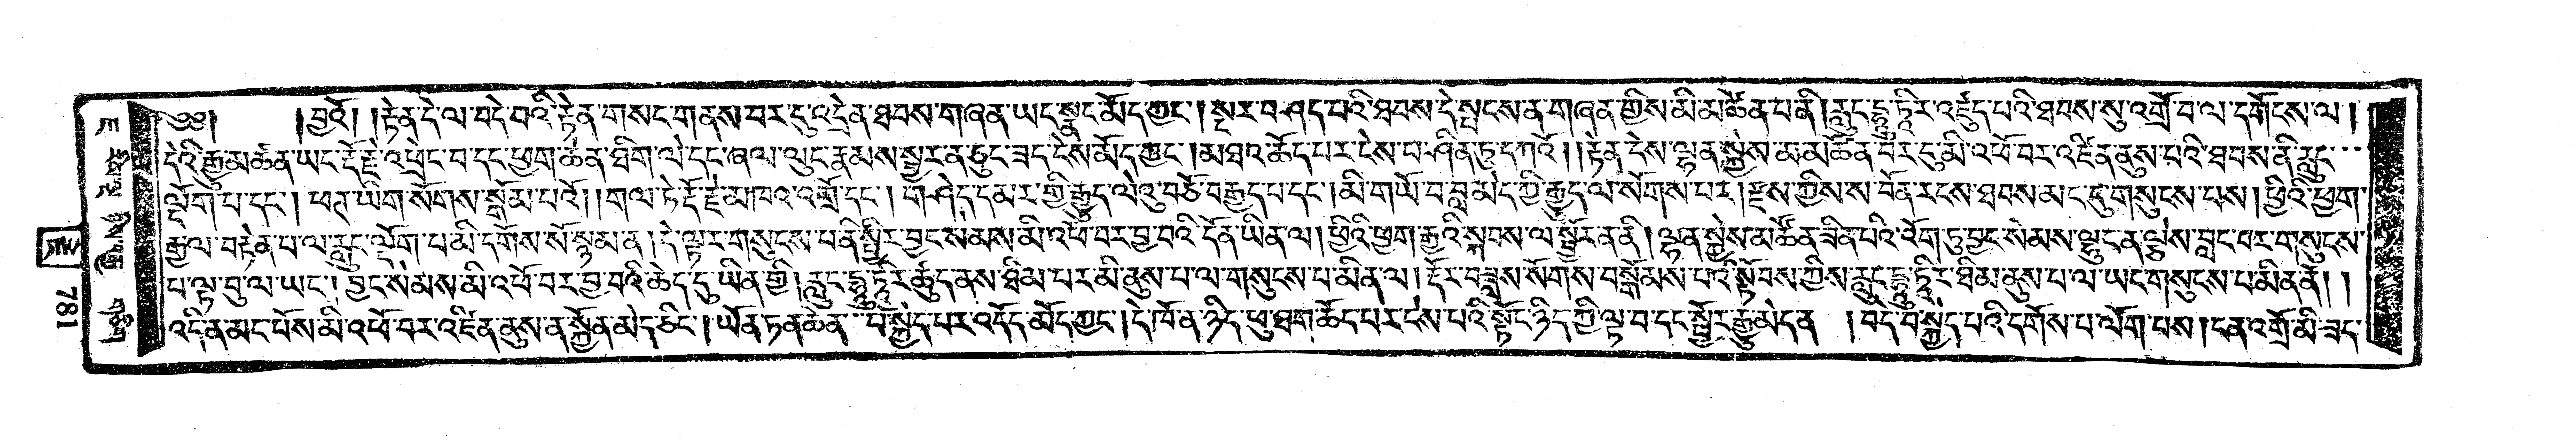༄༅། །བྱའོ། །རྟེན་དེ་ལ་བདེ་བའི་རྟེན་གསང་གནས་བར་དུ་འདྲེན་ཐབས་གཞན་ཡང་སྣང་མོད་ཀྱང་། སྔར་བཤད་པའི་ཐབས་དེ་སྤངས་ན་གཞན་གྱིས་མི་མཚོན་པ་ནི། རླུང་དྷཱུ་ཏཱིར་འཛུད་པའི་ཐབས་སུ་འགྲོ་བ་ལ་དགོངས་ལ།
དེའི་རྒྱུ་མཚན་ཡང་རྡོ་རྗེ་འཕྲེང་བ་དང་ཕྱག་ཆེན་ཐིག་ལེ་དང་ཞལ་ལུང་རྣམས་སྦྱར་ན་ཅུང་ཟད་ངེས་མོད་ཀྱང་། མཐའ་ཆོད་པར་ངེས་པ་ཤིན་ཏུ་དཀའོ། །རྟེན་དེས་ལྷན་སྐྱེས་མ་མཚོན་བར་དུ་མི་འཕོ་བར་འཛིན་ནུས་པའི་ཐབས་ནི་རླུང་
ལྡོག་པ་དང་། ཕགས་ཡིག་སོགས་སྒོམ་པའོ། །གལ་ཏེ་རྡོ་རྗེ་མཁའ་འགྲོ་དང་། གཤེད་དམར་གྱི་རྒྱུད་ལེའུ་བཅོ་བརྒྱད་པ་དང་། མི་གཡོ་བ་བླ་མེད་ཀྱི་རྒྱུད་ལ་སོགས་པར། རྫས་ཀྱིས་ས་བོན་རངས་ཐབས་མང་དུ་གསུངས་པས། ཕྱིའི་ཕྱག་
རྒྱ་ལ་བརྟེན་པ་ལ་རླུང་ལྡོག་པ་མི་དགོས་སོ་སྙམ་ན། དེ་ལྟར་གསུངས་པ་ནི་སྤྱིར་བྱང་སེམས་མི་འཕོ་བར་བྱ་བའི་དོན་ཡིན་ལ། ཕྱིའི་ཕྱག་རྒྱའི་སྐབས་ལ་སྦྱོར་ན་ནི། ལྷན་སྐྱེས་མཚོན་ཟིན་པའི་འོག་ཏུ་བྱང་སེམས་ལྷུང་ན་ལྕེས་བླང་བར་གསུངས་
པ་ལྟ་བུ་ལ་ཡང་། བྱང་སེམས་མི་འཕོ་བར་བྱ་བའི་ཆེད་དུ་ཡིན་གྱི། རླུང་དྷཱུ་ཏཱིར་ཚུད་ནས་ཐིམ་པར་མི་ནུས་པ་ལ་གསུངས་པ་མིན་ལ། རྡོར་བཟླས་སོགས་བསྒོམས་པའི་སྟོབས་ཀྱིས་རླུང་དྷཱུ་ཏཱིར་ཐིམ་ནུས་པ་ལ་ཡང་གསུངས་པ་མིན་ནོ། །
འདི་ན་མང་པོས་མི་འཕོ་བར་འཛིན་ནུས་ན་སྐྱོན་མེད་ཅིང་། ཡོན་ཏན་ཆེན་པོ་སྐྱེད་པར་འདོད་མོད་ཀྱང་། དེ་ཁོ་ན་ཉིད་ཕུ་ཐག་ཆོད་པར་དེས་པའི་སྟོང་ཉིད་ཀྱི་ལྟ་བ་དང་སྦྱོར་རྒྱུ་མེད་ན། བདེ་བ་སྐྱེད་པའི་དགོས་པ་ལོག་པས། ངན་འགྲོ་མི་ཟད་